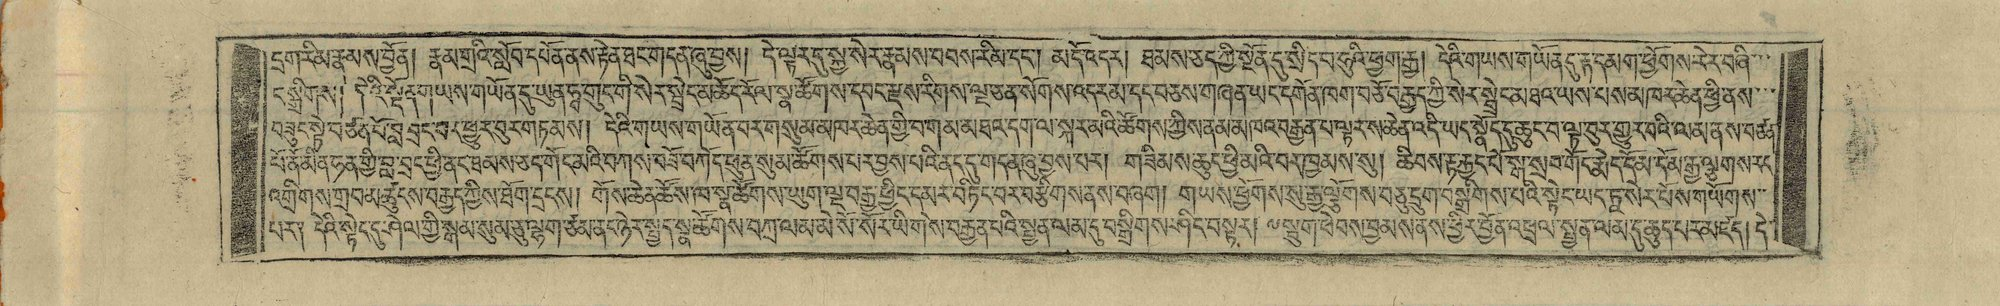དྲག་རིམ་རྣམས་བྱོན། རྣམ་གྲའི་སློབ་དཔོན་ནས་རྟེན་ཐང་གདན་ཞུ་བྱས། དེ་ལྟར་དུ་སྐྱ་སེར་རྣམས་བབས་རིམ་དང་། མདོ་འདར། ཐམས་ཅད་ཀྱི་སྔོན་དུ་སྲིད་བ་ཧུའི་ཕྱག་རྒྱ། དེའི་གཡས་གཡོན་དུ་རྟ་དམག་ཕྱོགས་རེར་བཞི་
བསྒྲིགས། དེའི་སྔོན་གཡས་གཡོན་དུ་ཡུན་ཧྭ་གུང་གི་སེར་སྦྲེང་མཆོད་རོལ་སྣ་ཚོགས་དབང་རྫས་རིགས་ལྔ་ཅན་སོགས་འདར་མ་དང་བཅས་གཞན་ཡང་དགོན་ཁག་བཅོ་བརྒྱད་ཀྱི་སེར་སྦྲེང་མཐའ་ཡས་པས་མཁར་ཆེན་ཕྱི་ནས་
བཟུང་སྟེ་བཙན་པོ་བླ་བྲང་བར་ཕྱུར་བུར་གཏམས། དེའི་གཡས་གཡོན་བར་གསུམ་མཁར་ཆེན་གྱི་བ་གམ་མཐའ་དག་ལ་སྐར་མའི་ཚོགས་ཀྱིས་ནམ་མཁའ་བརྒྱན་པ་ལྟར་ས་ཆེན་འདི་ཡང་སྣོད་དུ་ཆུང་བ་ལྟ་བུར་གྱུར་བའི་ལམ་ནས་བཙན་
པོ་ནོ་མིན་ཧན་གྱི་བླ་བྲང་ཕྱི་ནང་ཐམས་ཅད་གོང་མའི་བཀས་བཟོ་བཀོད་ཕུན་སུམ་ཚོགས་པར་བྱས་པའི་ནང་དུ་གདན་ཞུ་བྱས་པར། གཟིམས་ཆུང་ཕྱི་མའི་བར་ཁྱམས་སུ། ཆིབས་རྟ་རྐྱང་པོ་སྒ་སྲབ་གོང་རྨེད་དོམ་དོམ་རྒྱ་ལྕགས་རང་
འགྲིགས་གྲབ་མཚུངས་བརྒྱད་ཀྱིས་ཐོག་དྲངས། གོས་ཆེན་ཚོས་ཁ་སྣ་ཚོགས་ཡུག་ལྔ་བརྒྱ་ཕྱིང་དམར་བཏིང་བར་བརྩིགས་ནས་བཞག །གཡས་ཕྱོགས་སུ་རྒྱ་ལྕོགས་བཅུ་དྲུག་བསྒྲིགས་པའི་སྟེང་ཡང་ཏཱ་སེར་པོས་གཡོགས་
པར། དེའི་སྟེང་དུ་ཤེལ་གྱི་སྒམ་སུམ་ཅུ་ལྷག་ཙམ་ནང་ཉེར་སྤྱད་སྣ་ཚོགས་བཀྲ་ལམ་མེ་སོ་སོར་ཡི་གེས་བརྒྱན་པའི་སྤྱན་ལམ་དུ་བསྒྲིགས་ཤིང་བསྟར། ༧སྦུག་ཕེབས་བྱམས་ནས་ཕྱིར་བྱོན་འཕྲལ་སྤྱན་ལམ་དུ་ཆུད་པར་མཛད། དེ་